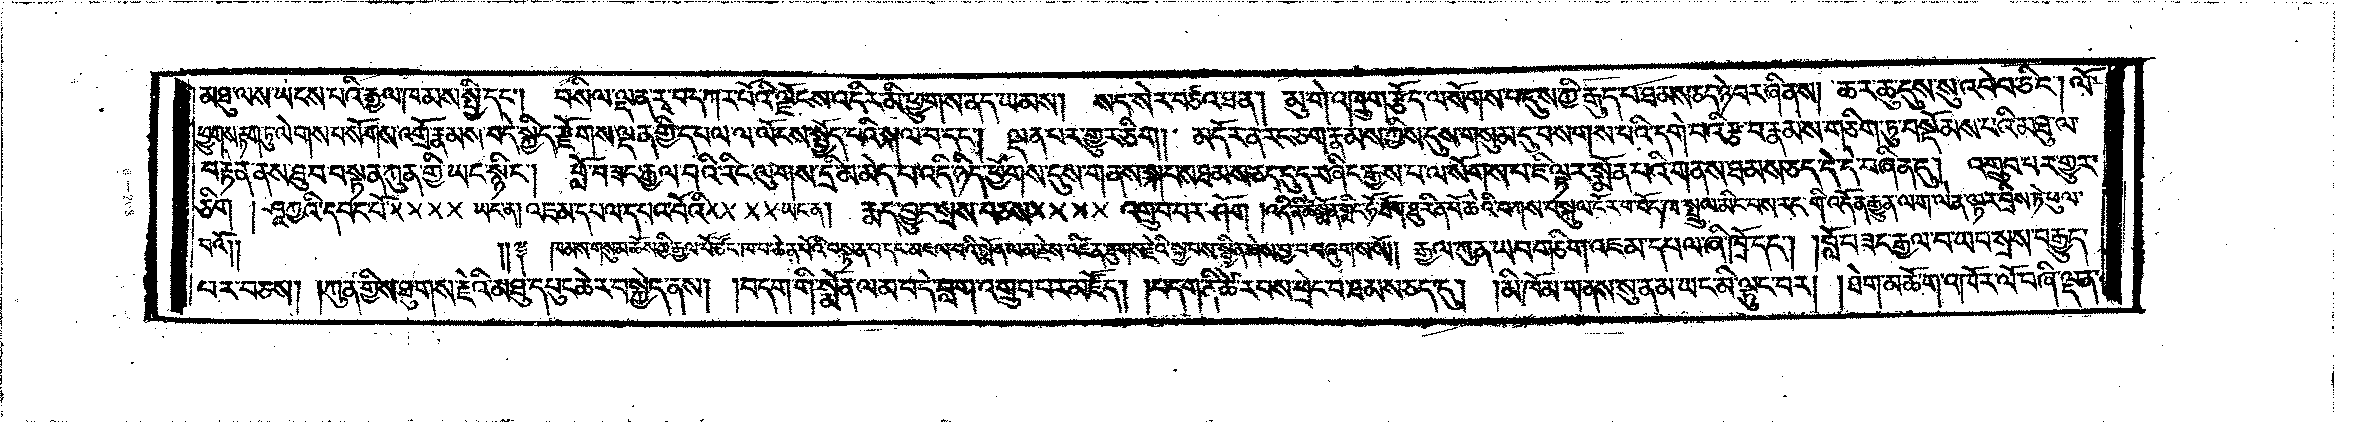མཐུ་ལས་ཡངས་པའི་རྒྱལ་ཁམས་སྤྱི་དང་། བསིལ་ལྡན་རྭ་བ་དཀར་པོའི་ལྗོངས་འདིར་མི་ཕྱུགས་ནད་ཡམས། སད་སེར་བཙའ་ཐན། མུ་གེ་འཁྲུག་རྩོད་ལ་སོགས་པ་དུས་ཀྱི་རྒུད་པ་ཐམས་ཅད་ཉེ་བར་ཞི་ནས། ཆར་ཆུ་དུས་སུ་འབེབ་ཅིང་། ལོ་
ཕྱུགས་རྟག་ཏུ་ལེགས་པ་སོགས་འགྲོ་རྣམས་བདེ་སྐྱིད་རྫོགས་ལྡན་གྱི་དཔལ་ལ་ལོངས་སྤྱོད་པའི་སྐལ་བ་དང་། ལྡན་པར་གྱུར་ཅིག །མདོར་ན་རང་ཅག་རྣམས་ཀྱིས་དུས་གསུམ་དུ་བསགས་པའི་དགེ་བའི་རྩ་བ་རྣམས་གཅིག་ཏུ་བསྡོམས་པའི་མཐུ་ལ་
བརྟེན་ནས་ཐུབ་བསྟན་ཀུན་གྱི་ཡང་སྙིང་། བློ་བཟང་རྒྱལ་བའི་རིང་ལུགས་དྲི་མ་མེད་པ་འདི་ཉིད་ཕྱོགས་དུས་གནས་སྐབས་ཐམས་ཅད་དུ་དར་ཞིང་རྒྱས་པ་ལ་སོགས་པ་ཇི་ལྟར་སྨོན་པའི་གནས་ཐམས་ཅད་དེ་དེ་བཞིན་དུ། འགྲུབ་པར་གྱུར་
ཅིག །ཤཱཀྱའི་དབང་པོ་྾྾྾་ཡང་ན། འཇམ་དཔལ་དཔའ་བོའི་྾྾྾་ཡང་ན། རྨད་བྱུང་སྲས་བཅས་྾་྾་྾་འགྲུབ་པར་ཤོག །འདི་ནི་ཚེ་སྨོན་གླིང་ཧོ་ཐོག་ཐུ་རིན་པོ་ཆེའི་བཀས་བསྐུལ་ངོར་བ་བོང་ཁ་སྤྲུལ་མིང་བས་རང་གི་འདོན་རྒྱུན་ལག་ལེན་ལྟར་བྲིས་ཏེ་ཕུལ་
པའོ།། །། ༈ ཁམས་གསུམ་ཆོས་ཀྱི་རྒྱལ་པོ་ཙོང་ཁ་པ་ཆེན་པོའི་བསྟན་པ་དང་འཇལ་བའི་སྨོན་ལམ་རྗེས་འཛིན་ཐུགས་རྗེའི་སྐྱབས་སྦྱིན་ཞེས་བྱ་བ་བཞུགས་སོ།། རྒྱལ་ཀུན་ཡབ་གཅིག་འཇམ་དཔལ་ཞི་ཁྲོ་དང་། །བློ་བཟང་རྒྱལ་བ་ཡབ་སྲས་བརྒྱུད་
པར་བཅས། །ཀུན་གྱིས་ཐུགས་རྗེའི་མཐུ་དཔུང་ཆེར་བསྐྱེད་ནས། །བདག་གི་སྨོན་ལམ་བདེ་བླག་འགྲུབ་པར་མཛོད། །བདག་ནི་ཚེ་རབས་ཕྲེང་བ་ཐམས་ཅད་དུ། །མི་ཁོམ་གནས་སུ་ནམ་ཡང་མི་ལྟུང་བར། །ཐེག་མཆོག་འཁོར་ལོ་བཞི་ལྡན་